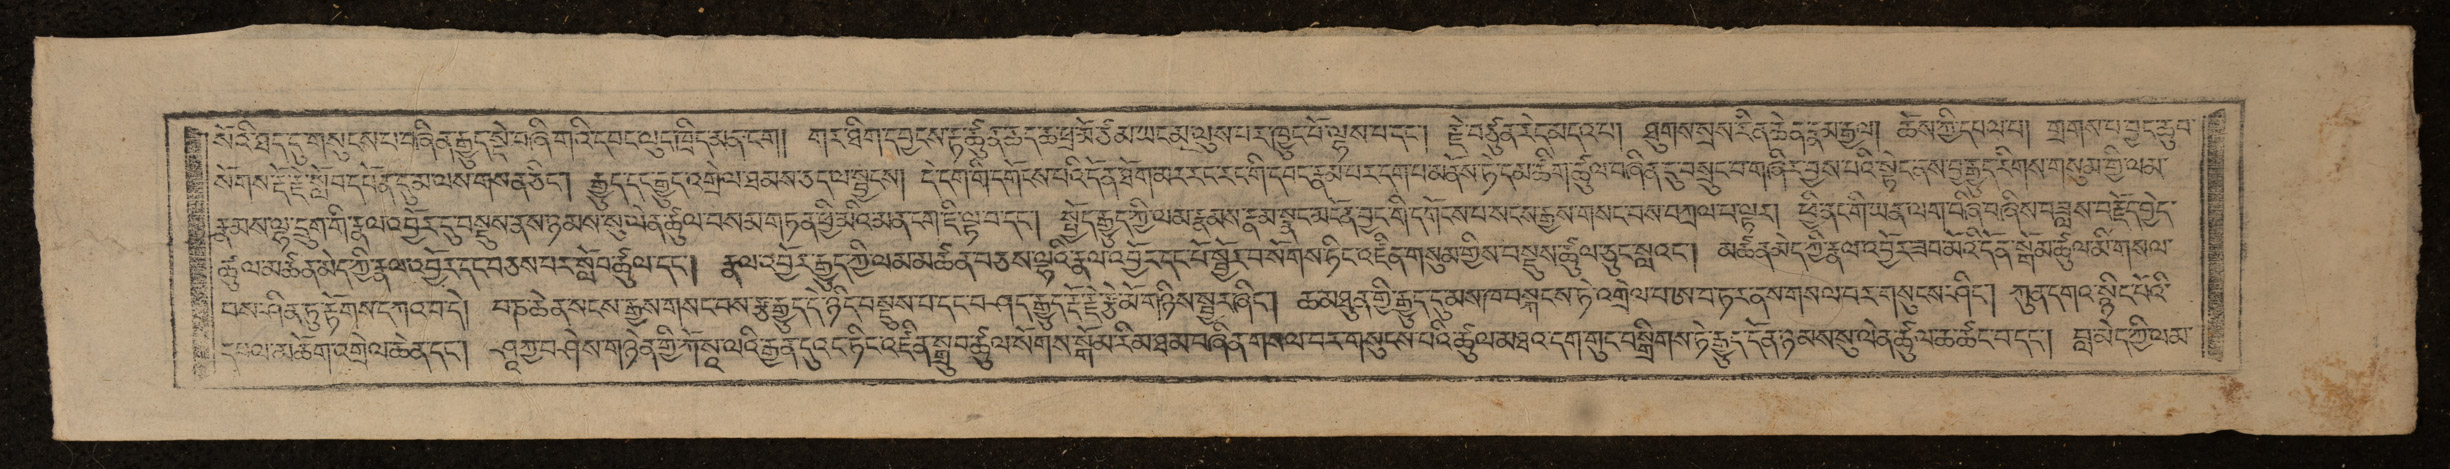སོའི་ཐད་དུ་གསུངས་བ་བཞིན་རྒྱུད་སྡེ་བཞི་གའི་དབང་ལུང་ཁྲིད་མན་ངག། གར་ཐིག་དབྱངས་རྟ་ཚུན་ཆད་ཆ་ཕྲ་མོ་ཙམ་ཡང་མ་ལུས་པར་ཁྱུང་པོ་ལྷས་པ་དང་། རྗེ་བཙུན་རེད་མདའ་བ། ཐུགས་སྲས་རིན་ཆེན་རྣམ་རྒྱལ། ཆོས་ཀྱི་དཔལ་པ། གྲགས་པ་བྱང་ཆུབ་
སོགས་རྡོ་རྗེ་སློབ་དཔོན་དུ་མ་ལས་གསན་ཅིང་། རྒྱུད་དང་རྒྱུད་འགྲེལ་ཐམས་ཅད་ལ་སྦྱངས། དེ་དག་གི་དགོངས་པའི་དོན་ཐོག་མར་རང་རང་གི་དབང་རྣམ་པར་དག་བ་མནོས་ཏེ་དམ་ཚིག་ཚུལ་བཞིན་དུ་བསྲུང་བ་གཞིར་བྱས་པའི་སྟེང་ནས་བྱ་རྒྱུད་རིགས་གསུམ་གྱི་ལམ་
རྣམས་ལྷ་དྲུག་གི་རྣལ་འབྱོར་དུ་བསྡུས་ནས་ཉམས་སུ་ལེན་ཚུལ་བསམ་གཏན་ཕྱི་མའི་མན་ངག་ཇི་ལྟ་བ་དང་། སྤྱོད་རྒྱུད་ཀྱི་ལམ་རྣམས་རྣམ་སྣང་མངོན་བྱང་གི་དགོངས་པ་སངས་རྒྱས་གསང་བས་བཀྲལ་བ་ལྟར། ཕྱི་ནང་གི་ཡན་ལག་བཞི་བཞིས་བཟླས་བརྗོད་བྱེད་
ཚུལ་མཚན་མེད་ཀྱི་རྣལ་འབྱོར་དང་བཅས་པར་སློབ་ཚུལ་དང་། རྣལ་འབྱོར་རྒྱུད་ཀྱི་ལམ་མཚན་བཅས་ལྷའི་རྣལ་འབྱོར་དང་པོ་སྦྱོར་བ་སོགས་ཏིང་འཛིན་གསུམ་གྱིས་བསྡུས་ཚུལ་ཅུང་སླའང་། མཚན་མེད་ཀྱི་རྣལ་འབྱོར་ཟབ་མོའི་དོན་སྒོམ་ཚུལ་མི་གསལ་
བས་ཤིན་ཏུ་རྟོགས་དཀའ་བ་དེ། པཎ་ཆེན་སངས་རྒྱས་གསང་བས་རྩ་རྒྱུད་དེ་ཉིད་བསྡུས་པ་དང་བཤད་རྒྱུད་རྡོ་རྗེ་རྩེ་མོ་གཉིས་སྦྱར་ཞིང་། ཆ་མཐུན་གྱི་རྒྱུད་དུ་མས་ཁ་བསྐངས་ཏེ་འགྲེལ་པ་ཨ་བཏར་ནས་གསལ་བར་གསུངས་ཤིང་། ཀུན་དགའ་སྙིང་པོའི་
དཔལ་མཆོག་འགྲེལ་ཆེན་དང་། ཤཱཀྱ་བཤེས་གཉེན་གྱི་ཀོ་སཱ་ལའི་རྒྱན་དུའང་ཏིང་འཛིན་སྒྲུབ་ཚུལ་སོགས་སྒོམ་རིམ་ཐམ་བཞིན་གསལ་བར་གསུངས་པའི་ཚུལ་མཐའ་དག་གུང་བསྒྲིགས་ཏེ་རྒྱུད་དོན་ཉམས་སུ་ལེན་ཚུལ་ཆ་ཚང་བ་དང་། བླ་མེད་ཀྱི་ལམ་